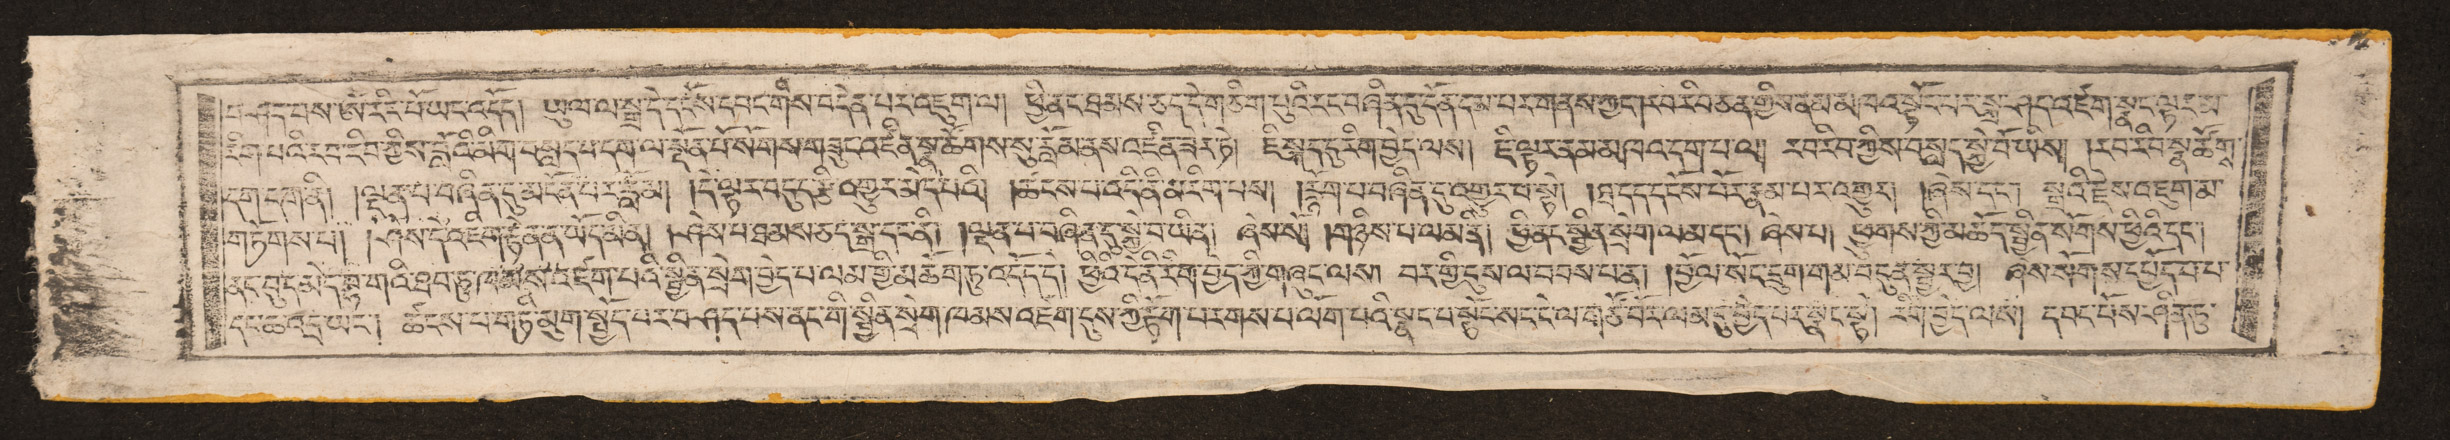བཤད་པས་ཨོཾ་རིང་པོ་ཡང་འདོད། ཡུལ་ལ་སྒྲ་དེ་དངོས་དབང་གིས་བདེན་པར་འཇུག་ལ། ཕྱི་ནང་ཐམས་ཅད་དེ་གཅིག་པུའི་རང་བཞིན་དུ་དོན་དམ་པར་གནས་ཀྱང་། རབ་རིབ་ཅན་གྱིས་ནམ་མཁའ་སྟོང་པར་སྐྲ་ཤད་འཇོག་སྣང་ལྟར་མ་
རིག་པའི་རབ་རིབ་ཀྱིས་བློའི་མིག་བསླད་པ་དག་ལ་སྔོན་པོ་སོགས་གཟུང་འཛིན་སྣ་ཚོགས་སུ་རློམ་ནས་འཛིན་ཟེར་ཏེ། ཇི་སྐད་དུ་རིག་བྱེད་ལས། ཇི་ལྟར་ནམ་མཁའ་དག་པ་ལ། རབ་རིབ་ཀྱིས་བསླད་སྐྱེ་བོ་ཡིས། །རབ་རིབ་སྣ་ཚོགས་
དག་དག་ནི། །ལྡན་པ་བཞིན་དུ་མངོན་པར་རློམ། །དེ་ལྟར་བདུད་རྩི་འགྱུར་མེད་པའི། །ཚངས་པ་འདི་ནི་མ་རིག་པོས། །རྙོག་པ་བཞིན་དུ་འགྱུར་པ་སྟེ། །ཐ་དད་དངོས་པོར་རྣམ་པར་འགྱུར། །ཞེས་དང་། སྒྲའི་རྗེས་འཇུག་མ་
གཏོགས་པ། །ཤེས་དེ་འཇིག་རྟེན་ན་ཡོད་མིན། །ཤེས་པ་ཐམས་ཅད་སྒྲ་དང་ནི། །ལྡན་པ་བཞིན་དུ་སྐྱེ་བ་ཡིན། ཞེས་སོ། །གཉིས་པ་ལམ་ནི། ཕྱི་ནང་སྦྱིན་སྲེག་ལམ་དང་། ཞེས་པ། ཕྱུགས་ཀྱི་མཆོད་སྦྱིན་སོགས་ཕྱིའི་དང་།
ནང་བུད་མེད་བྷ་གའི་ཐབ་ཏུ་ཁམས་འཛག་པའི་སྦྱིན་སྲེག་བྱེད་པ་ལམ་གྱི་མཆོག་ཏུ་འདོད་དེ། ཕྱིའི་དེ་ནི་རིག་བྱེད་ཀྱི་གཞུང་ལས། བར་གྱི་དུས་ལ་བབས་པ་ན། །བྱོལ་སོང་དྲུག་གམ་བདུན་སྦྱར་བྱ། ཞེས་སོགས་དཔྱོད་པ་པ་
དང་ཆ་འདྲ་ཡང་། ཚངས་པ་གཏི་མུག་སྤྱོད་པར་བཤད་པས་ནང་གི་སྦྱིན་སྲེག་ཁམས་འཛག་དུས་ཀྱི་རྟོག་པ་རགས་པ་ལོག་པའི་སྣང་པ་སྟོང་སང་དེ་ལ་གཙོ་བོར་ལམ་དུ་བྱེད་པར་སྣང་སྟེ། རིག་བྱེད་ལས། དབང་པོས་ཤིན་ཏུ་